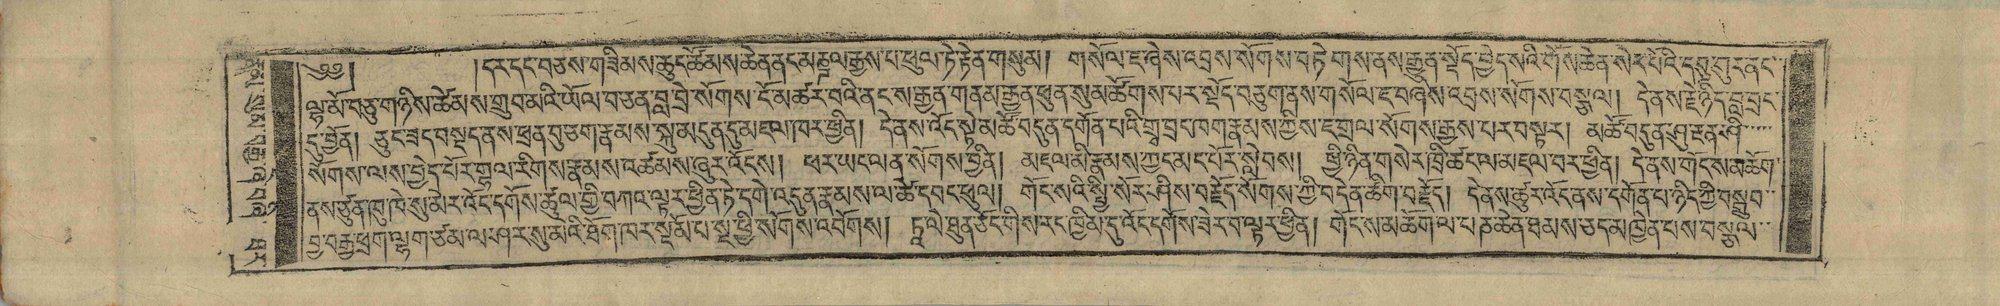༄༅། །དར་དང་བཅས་གཟིམས་ཆུང་ཚོམས་ཆེན་ནང་མཎྜལ་རྒྱས་པ་ཕུལ་ཏེ་རྟེན་གསུམ། གསོལ་ཇ་ཞེས་འབྲས་སོགས་བཏེགས་ནས་རྒྱུན་སྡོད་བྱེད་སའི་གོས་ཆེན་སེར་པོའི་དབུ་གུར་ནང་
ལྷ་མོ་བཅུ་གཉིས་ཚེམས་གྲུབ་མའི་ཡོལ་བ་ཅན་བླ་བྲེ་སོགས་ངོ་མཚར་བའི་ནང་ས་རྒྱན་གནམ་རྒྱན་ཕུན་སུམ་ཚོགས་པར་སྡོད་བཅུག་ནས་གསོལ་ཇ་བཞིས་འབྲས་སོགས་བསྩལ། དེ་ནས་རྗེ་ཉིད་བླ་བྲང་
དུ་བྱོན། ཅུང་ཟད་བསྡད་ནས་ཕྲན་བུ་ཅག་རྣམས་སྐུ་མདུན་དུ་མཇལ་ཁར་ཕྱིན། དེ་ནས་འོང་སྟེ་མཚོ་བདུན་དགོན་པའི་གྲྭ་བྲང་ཁག་རྣམས་ཀྱིས་ཇ་གྲལ་སོགས་རྒྱས་པར་བསྟར། མཚོ་བདུན་ཤུ་རྔན་ཤི་
སོགས་ལས་བྱེད་པོར་གྷལ་རིགས་རྣམས་འཚམས་ཞུར་འོངས། ཕར་ཡང་ལན་སོགས་བྱིན། མཇལ་མི་རྣམས་ཀྱང་མང་པོར་སླེབས། ཕྱི་ཉིན་གསེར་ཁྲི་ཚང་ལ་མཇལ་བར་ཕྱིན། དེ་ནས་གོང་ས་མཆོག་
ནས་ཙུན་ཁུ་ཁེ་སུ་མེར་འོང་དགོས་ཚུལ་གྱི་བཀའ་ལྟར་ཕྱིན་ཏེ་དགེ་འདུན་རྣམས་ལ་ཚེ་དབང་ཕུལ། གོང་སའི་སྤྱི་སོར་ཤིས་བརྗོད་སོགས་ཀྱི་བདེན་ཚིག་བརྗོད། དེ་ནས་ཚུར་འོང་ནས་དགོན་པ་ཉིད་ཀྱི་བསྒྲུབ་
བྱ་བརྒྱ་ཕྲག་ལྷག་ཙམ་ལ་ཤ་ར་སུ་མེའི་ཐོག་ཁར་སྡོམ་པ་སྔ་ཕྱི་སོགས་འབོགས། ཏཱ་ལེ་ཐུན་ཅོང་གིས་རང་ཁྱིམ་དུ་འོང་དགོས་ཟེར་བ་ལྟར་ཕྱིན། གོང་ས་མཆོག་ལ་པཎ་ཆེན་ཐམས་ཅད་མཁྱེན་པས་བསྩལ་